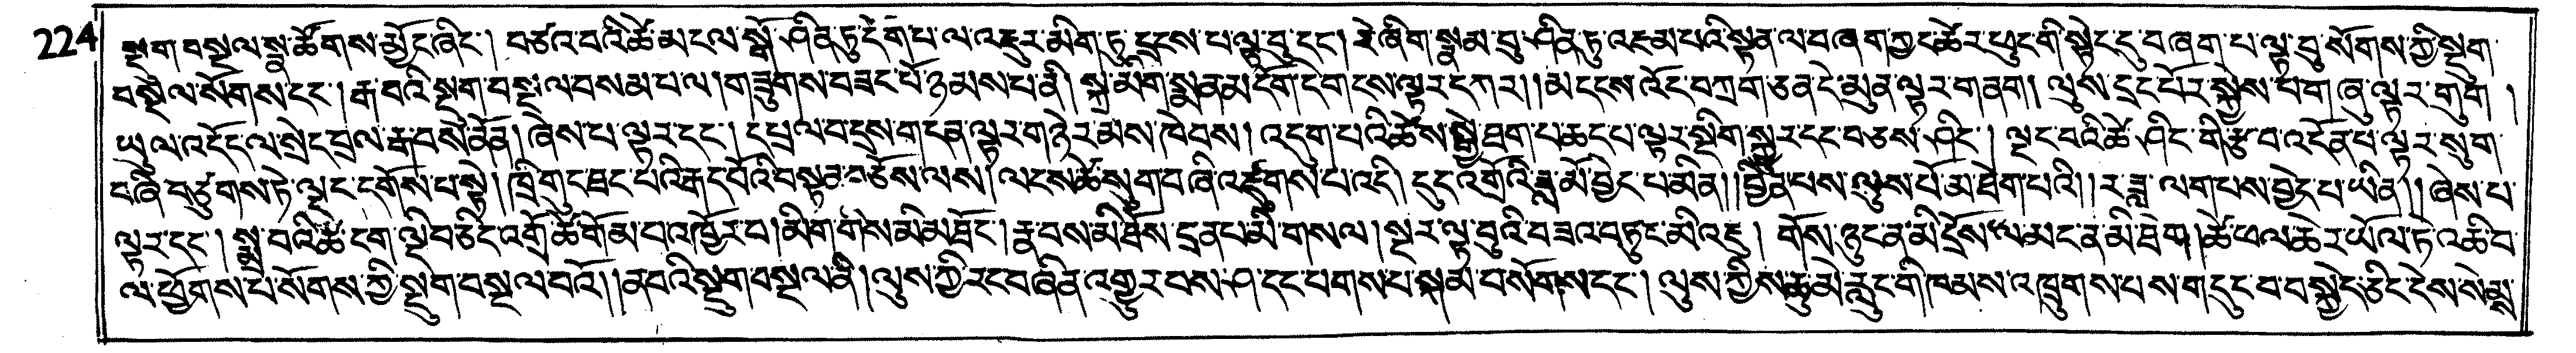སྡུག་བསྔལ་སྣ་ཚོགས་མྱོང་ཞིང་། བཙའ་བའི་ཚེ་མངལ་སྒོ་ཤིན་ཏུ་དོག་པ་ལ་འཇུར་མིག་ཏུ་དྲངས་པ་ལྟ་བུ་དང་། རེ་ཞིག་སྣམ་བུ་ཤིན་ཏུ་འཇམ་པའི་སྟན་ལ་བཞག་ཀྱང་ཚེར་ཕུང་གི་སྟེང་དུ་བཞག་པ་ལྟ་བུ་སོགས་ཀྱི་སྡུག་
བསྔལ་སོགས་དང་། རྒ་བའི་སྡུག་བསྔལ་བསམ་པ་ལ། གཟུགས་བཟང་པོ་ཉམས་པ་ནི། སྐྲ་མིག་སྨན་མདོག་དེ་གང་ལྟར་དཀར། །མདངས་འོད་བཀྲག་ཅན་དེ་མུན་ལྟར་གནག། ལུས་དྲང་པོར་སྐྱེས་པ་གཞུ་ལྟར་གུག།
ཡུལ་འདོད་ལ་སྲེད་བྲལ་རྒ་བས་ནོན། ཞེས་པ་ལྟར་དང་། དཔྲལ་བ་དྲས་གདན་ལྟར་གཉེར་མས་ཁེབས། འདུག་པའི་ཚེས་སྒྱེ་ཐག་པ་ཆད་པ་ལྟར་སྡིག་སྐྱར་དང་བཅས་ཤིང་། ལྡང་བའི་ཚེ་ཤིང་གི་རྩ་བ་འདོན་པ་ལྟར་སུག་
བཞི་བཙུགས་ཏེ་ལྡད་དགོས་པ་སྟེ། ཁྲི་གུང་ཐང་པའི་རྒད་པོའི་བསྟན་བཅོས་ལས། ལངས་ཚེ་སུག་བཞི་འཛུགས་པ་འདི། དུད་འགྲོའི་ཟླ་མོ་བྱེད་པ་མིན། །བྱིན་པས་ལུས་པོ་མ་ཐེག་པའི། །ར་ཟླ་ལག་པས་བྱེད་པ་ཡིན། །ཞེས་པ་
ལྟར་དང་། སྨྲ་བའི་ཚེ་ངག་ལྡིབ་ཅིང་འགྲོ་ཚེ་གོམ་པ་འཁྱོར་བ། མིག་གིས་མི་མཐོང་། རྣ་བས་མི་ཐོས་དྲན་པ་མི་གསལ། སྔར་ལྟ་བུའི་བཟའ་བཏུང་མི་འཇུ། གོས་ཉུང་ན་མི་དྲོས་ལ་མང་ན་མི་ཐེག། ཚེ་ཕལ་ཆེར་ཡོལ་ཏེ་འཆི་བ་
ལ་ཕྱོགས་པ་སོགས་ཀྱི་སྡུག་བསྔལ་བའོ། །ན་བའི་སྡུག་བསྔལ་ནི། ལུས་ཀྱི་རང་བཞིན་འགྱུར་བས་ཤ་དང་པགས་པ་སྐམ་པ་སོགས་དང་། ལུས་ཀྱིས་ཆུ་མེ་རླུང་གི་ཁམས་འཁྲུགས་པས་གདུང་བ་བསྐྱེད་ཅིང་དེས་སེམས་